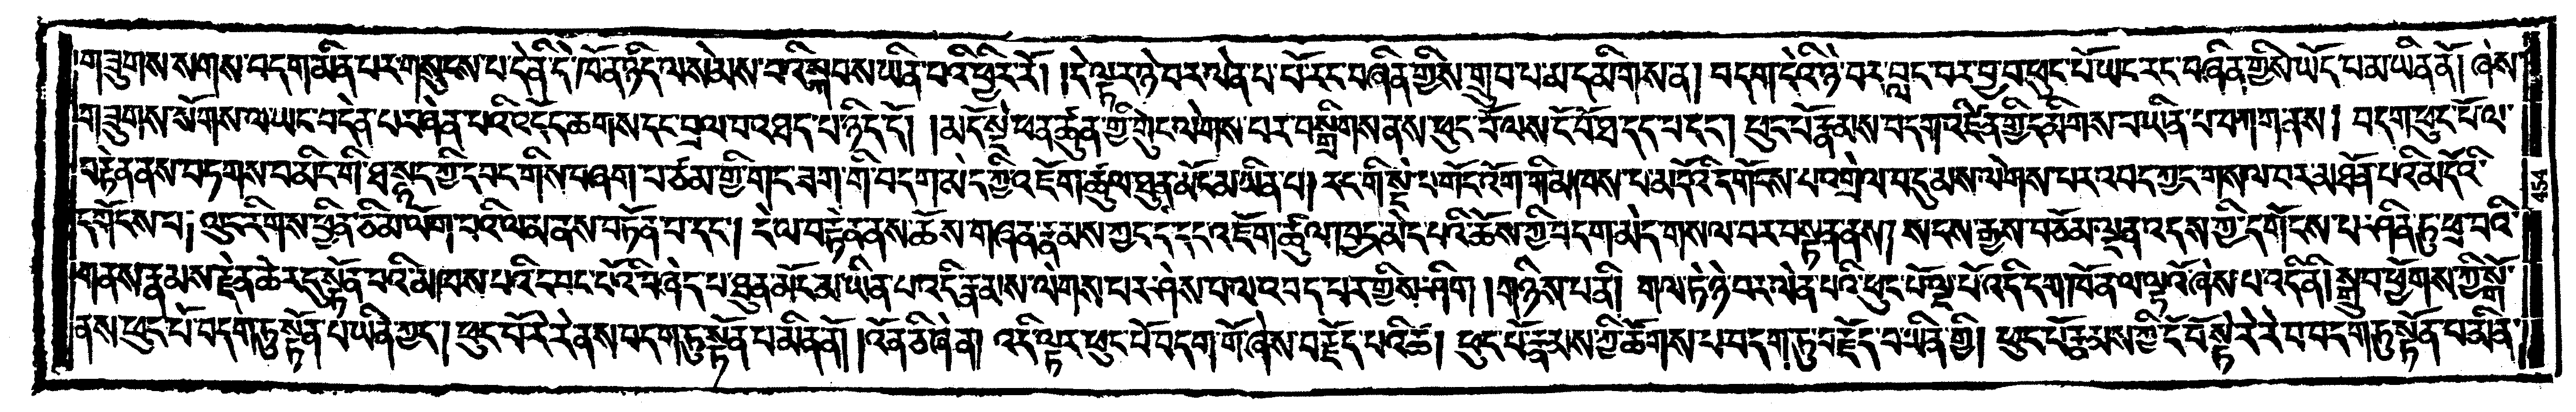གཟུགས་སོགས་བདག་མིན་པར་གསུངས་པ་དེ་ནི་དེ་ཁོ་ན་ཉིད་ལ་སེམས་པའི་སྐབས་ཡིན་པའི་ཕྱིར་རོ། །དེ་ལྟར་ཉེ་བར་ལེན་པ་པོ་རང་བཞིན་གྱིས་གྲུབ་པ་མ་དམིགས་ན། བདག་དེའི་ཉེ་བར་བླང་བར་བྱ་བ་ཕུང་པོ་ཡང་རང་བཞིན་གྱིས་ཡོད་པ་མ་ཡིན་ནོ། ཞེས་
གཟུགས་སོགས་ལ་ཡང་བདེན་པར་ཞེན་པའི་འདོད་ཆགས་དང་བྲལ་བ་འཐད་པ་ཉིད་དོ། །མདོ་སྡེ་ཕན་ཚུན་གྱི་གུང་ལེགས་པར་བསྒྲིགས་ནས་ཕུང་པོ་ལས་ངོ་བོ་ཐ་དད་པ་དང་། ཕུང་པོ་རྣམས་བདག་འཛིན་གྱི་དམིགས་པ་ཡིན་པ་བཀག་ནས། བདག་ཕུང་པོ་ལ་
བརྟེན་ནས་བཏགས་པ་མིང་གི་ཐ་སྙད་ཀྱི་དབང་གིས་བཞག་པ་ཙམ་གྱི་གང་ཟག་གི་བདག་མེད་ཀྱི་འཇོག་ཚུལ་ཐུན་མོང་མ་ཡིན་པ། རང་གི་སྡེ་པ་གོང་འོག་གི་མཁས་པ་མདོའི་དགོངས་པ་འགྲེལ་བ་དུ་མས་ལེགས་པར་འབད་ཀྱང་གསལ་བར་མཐོན་པའི་མདོའི་
དགོངས་པ། ལུང་རིགས་ཕྱིན་ཅི་མ་ལོག་པའི་ལམ་ནས་བཏོན་པ་དང་། དེ་ལ་བརྟེན་ནས་ཆོས་གཞན་རྣམས་ཀྱང་དེ་དང་འཇོག་ཚུལ་ཁྱད་མེད་པའི་ཆོས་ཀྱི་བདག་མེད་གསལ་བར་བསྟན་ནས། སངས་རྒྱས་བཅོམ་ལྡན་འདས་ཀྱི་དགོངས་པ་ཤིན་ཏུ་ཕྲ་བའི་
གནས་རྣམས་རྗེན་ཆེར་དུ་སྟོན་པའི་མཁས་པའི་དབང་པོའི་བཞེད་པ་ཐུན་མོང་མ་ཡིན་པ་འདི་རྣམས་ལེགས་པར་ཤེས་པ་ལ་འབད་པར་གྱིས་ཤིག །གཉིས་པ་ནི། གལ་ཏེ་ཉེ་བར་ལེན་པའི་ཕུང་པོ་ལྔ་པོ་འདི་དག་ཁོ་ན་ལ་ལྟའོ་ཞེས་པ་འདི་ནི། སྒྲུབ་ཕྱོགས་ཀྱི་སྒོ་
ནས་ཕུང་པོ་བདག་ཏུ་སྟོན་པ་ཡིན་ཀྱང་། ཕུང་པོ་རེ་རེ་ནས་བདག་ཏུ་སྟོན་པ་མིན་ནོ། །འོ་ན་ཅི་ཞེ་ན། འདི་ལྟར་ཕུང་པོ་བདག་གོ་ཞེས་བརྗོད་པའི་ཚེ། ཕུང་པོ་རྣམས་ཀྱི་ཚོགས་པ་བདག་ཏུ་བརྗོད་པ་ཡིན་གྱི། ཕུང་པོ་རྣམས་ཀྱི་ངོ་བོ་སྟེ་རེ་རེ་བ་བདག་ཏུ་སྟོན་པ་མིན་